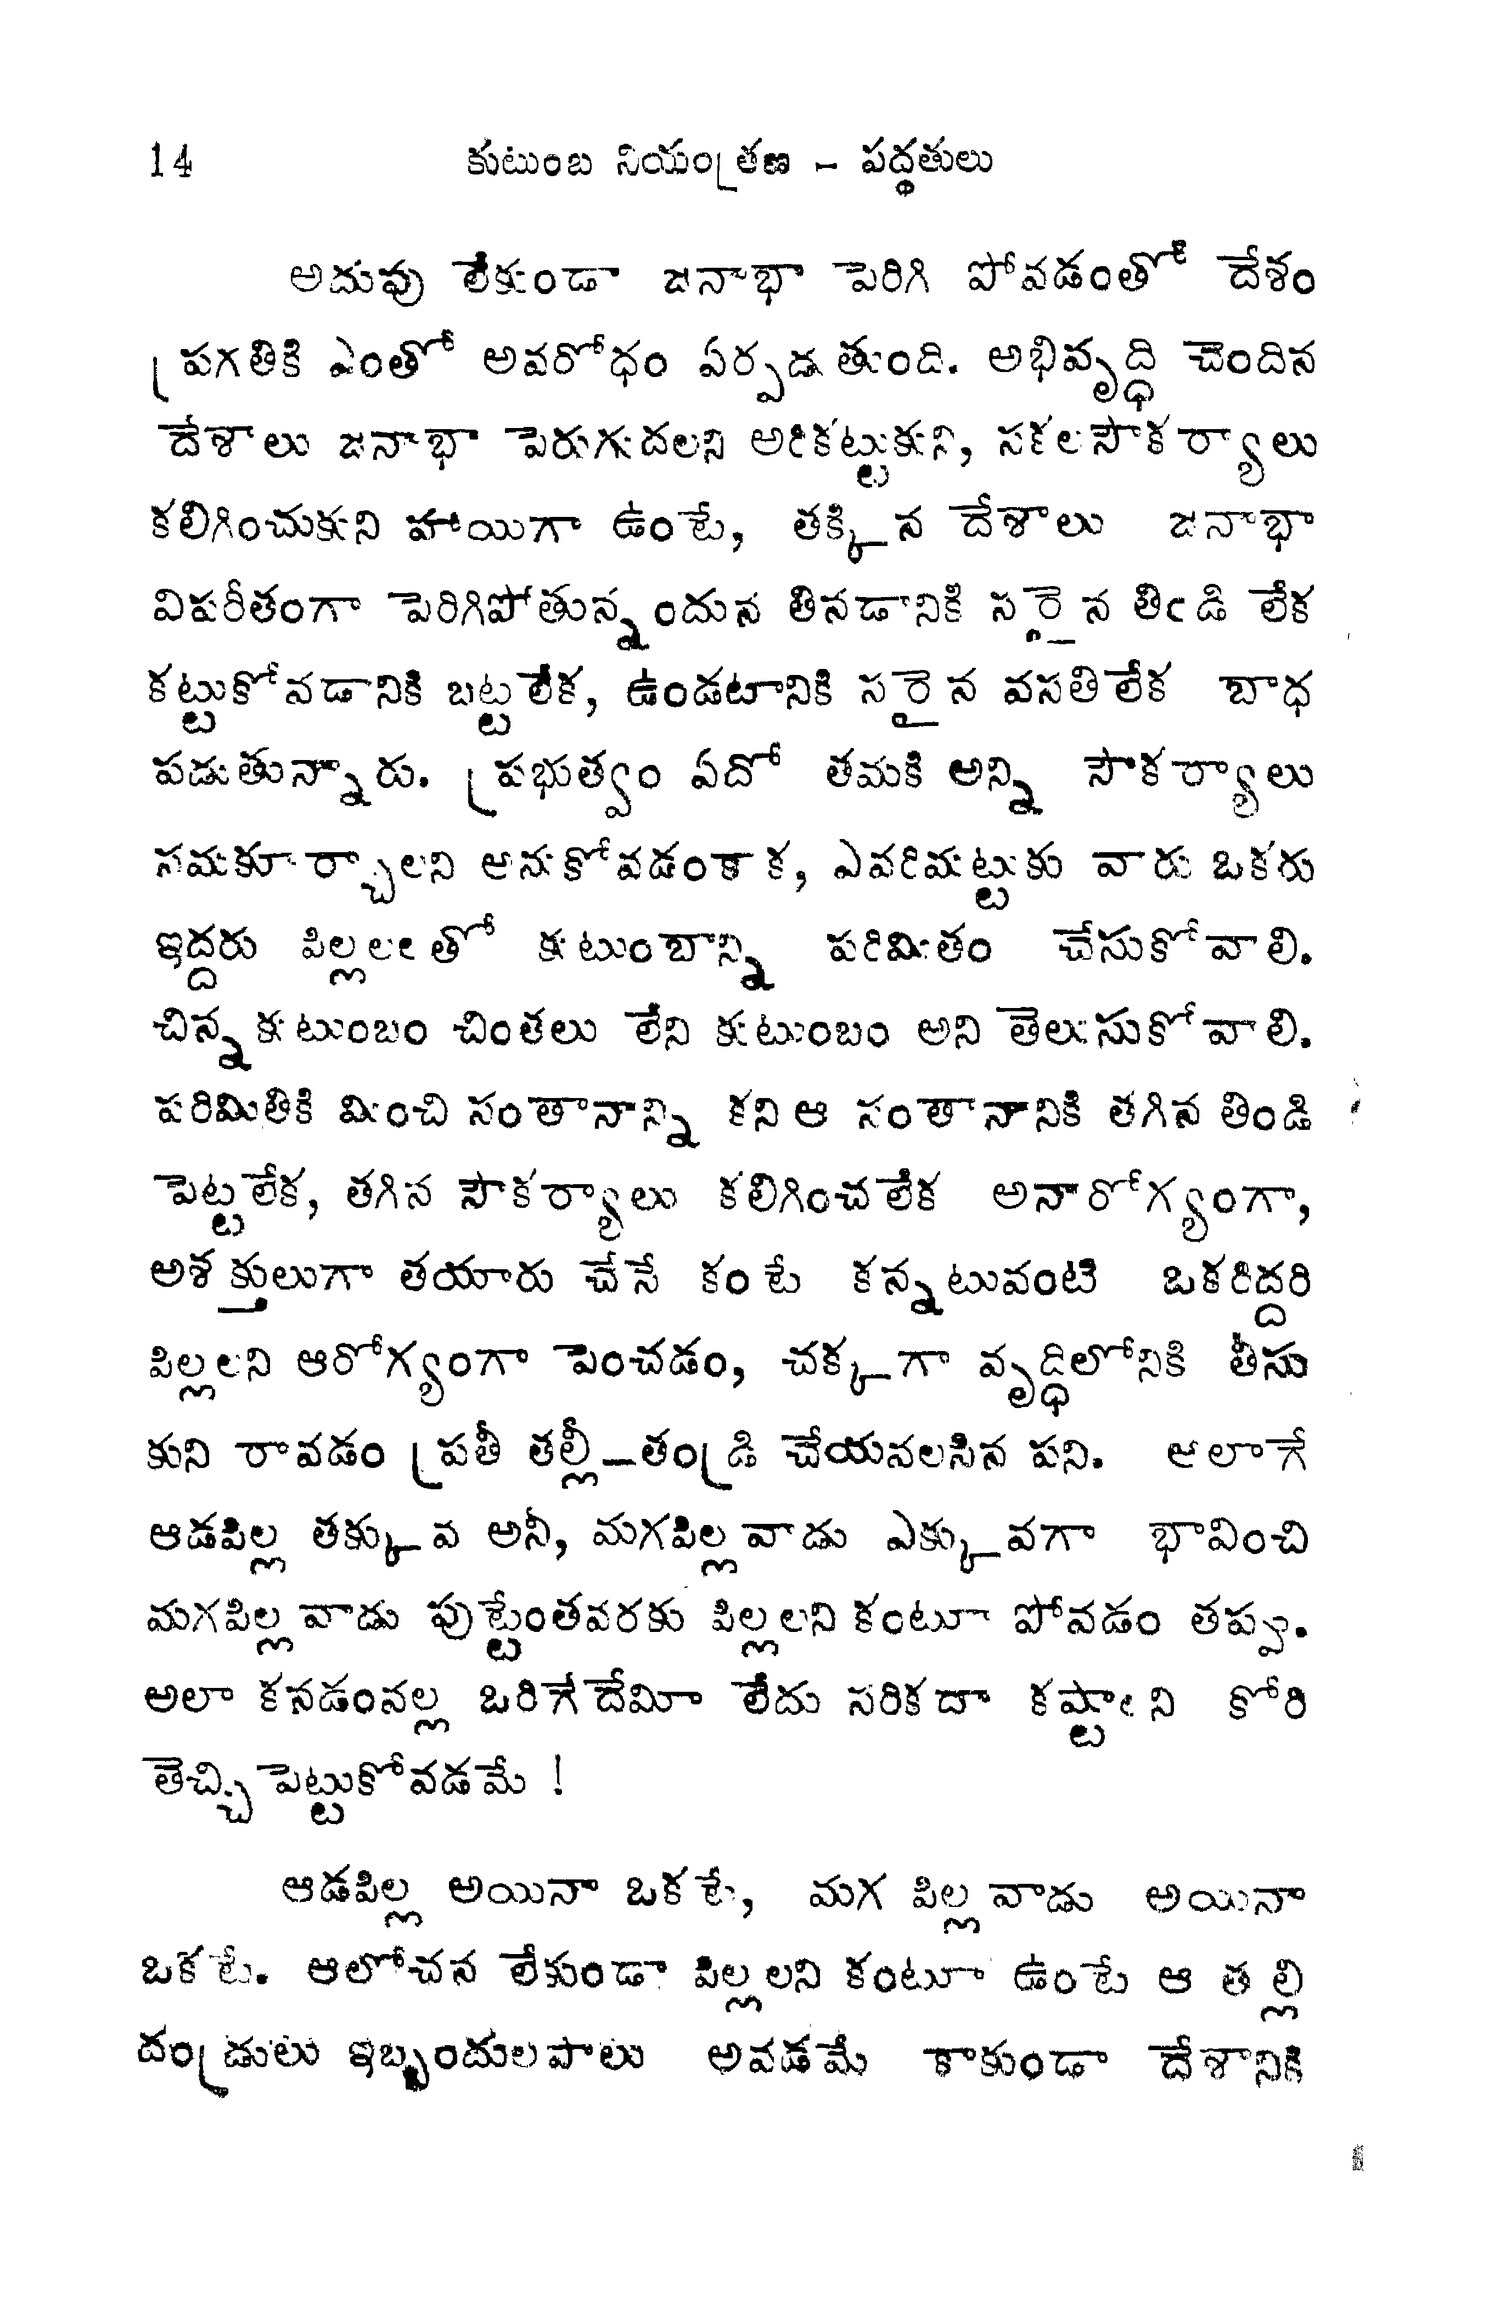అదుపు లేకుండా జనాభా పెరిగి పోవడంతో దేశం ప్రగతికి ఎంతో అవరోధం ఏర్పడుతుంది. అభివృద్ధి చెందిన దేశాలు జనాభా పెరుగుదలని అరికట్టుకుని, సకలసౌకర్యాలు కలిగించుకుని హాయిగా ఉంటే, తక్కిన దేశాలు జనాభా విపరీతంగా పెరిగిపోతున్నందున తినడానికి సరైన తిండి లేక కట్టుకోవడానికి బట్టలేక, ఉండటానికి సరైన వసతిలేక బాధపడుతున్నారు. ప్రభుత్వం ఏదో తమకి అన్ని సౌకర్యాలు సమకూర్చాలని అనుకోవడంకాక, ఎవరిమట్టుకు వారు ఒకరు ఇద్దరు పిల్లలలతో కుటుంబాన్ని పరిమితం చేసుకోవాలి. చిన్నకుటుంబం చింతలు లేని కుటుంబం అని తెలుసుకోవాలి. పరిమితికి మించి సంతానాన్ని కని ఆ సంతానానికి తగిన తిండి పెట్టలేక, తగిన సౌకర్యాలు కలిగించలేక అనారోగ్యంగా, అశక్తులుగా తయారు చేసే కంటే కన్నటువంటి ఒకరిద్దరి పిల్లలని ఆరోగ్యంగా పెంచడం, చక్కగా వృద్ధిలోనికి తీసుకుని రావడం ప్రతీ తల్లీ - తండ్రి చేయవలసిన పని. అలాగే ఆడపిల్ల తక్కువ అనీ, మగపిల్లవాడు ఎక్కువగా భావించి మగపిల్లవాడు పుట్టేంతవరకు పిల్లలని కంటూ పోవడం తప్పు. అలా కనడంవల్ల ఒరిగేదేమీ లేదు సరికదా కష్టాలని కోరి తెచ్చిపెట్టుకోవడమే !

ఆడపిల్ల అయినా ఒకటే, మగ పిల్లవాడు అయినా ఒకటే. ఆలోచన లేకుండా పిల్లలని కంటూ ఉంటే ఆ తల్లి దండ్రులు ఇబ్బందులపాలు అవడమే కాకుండా దేశానికి